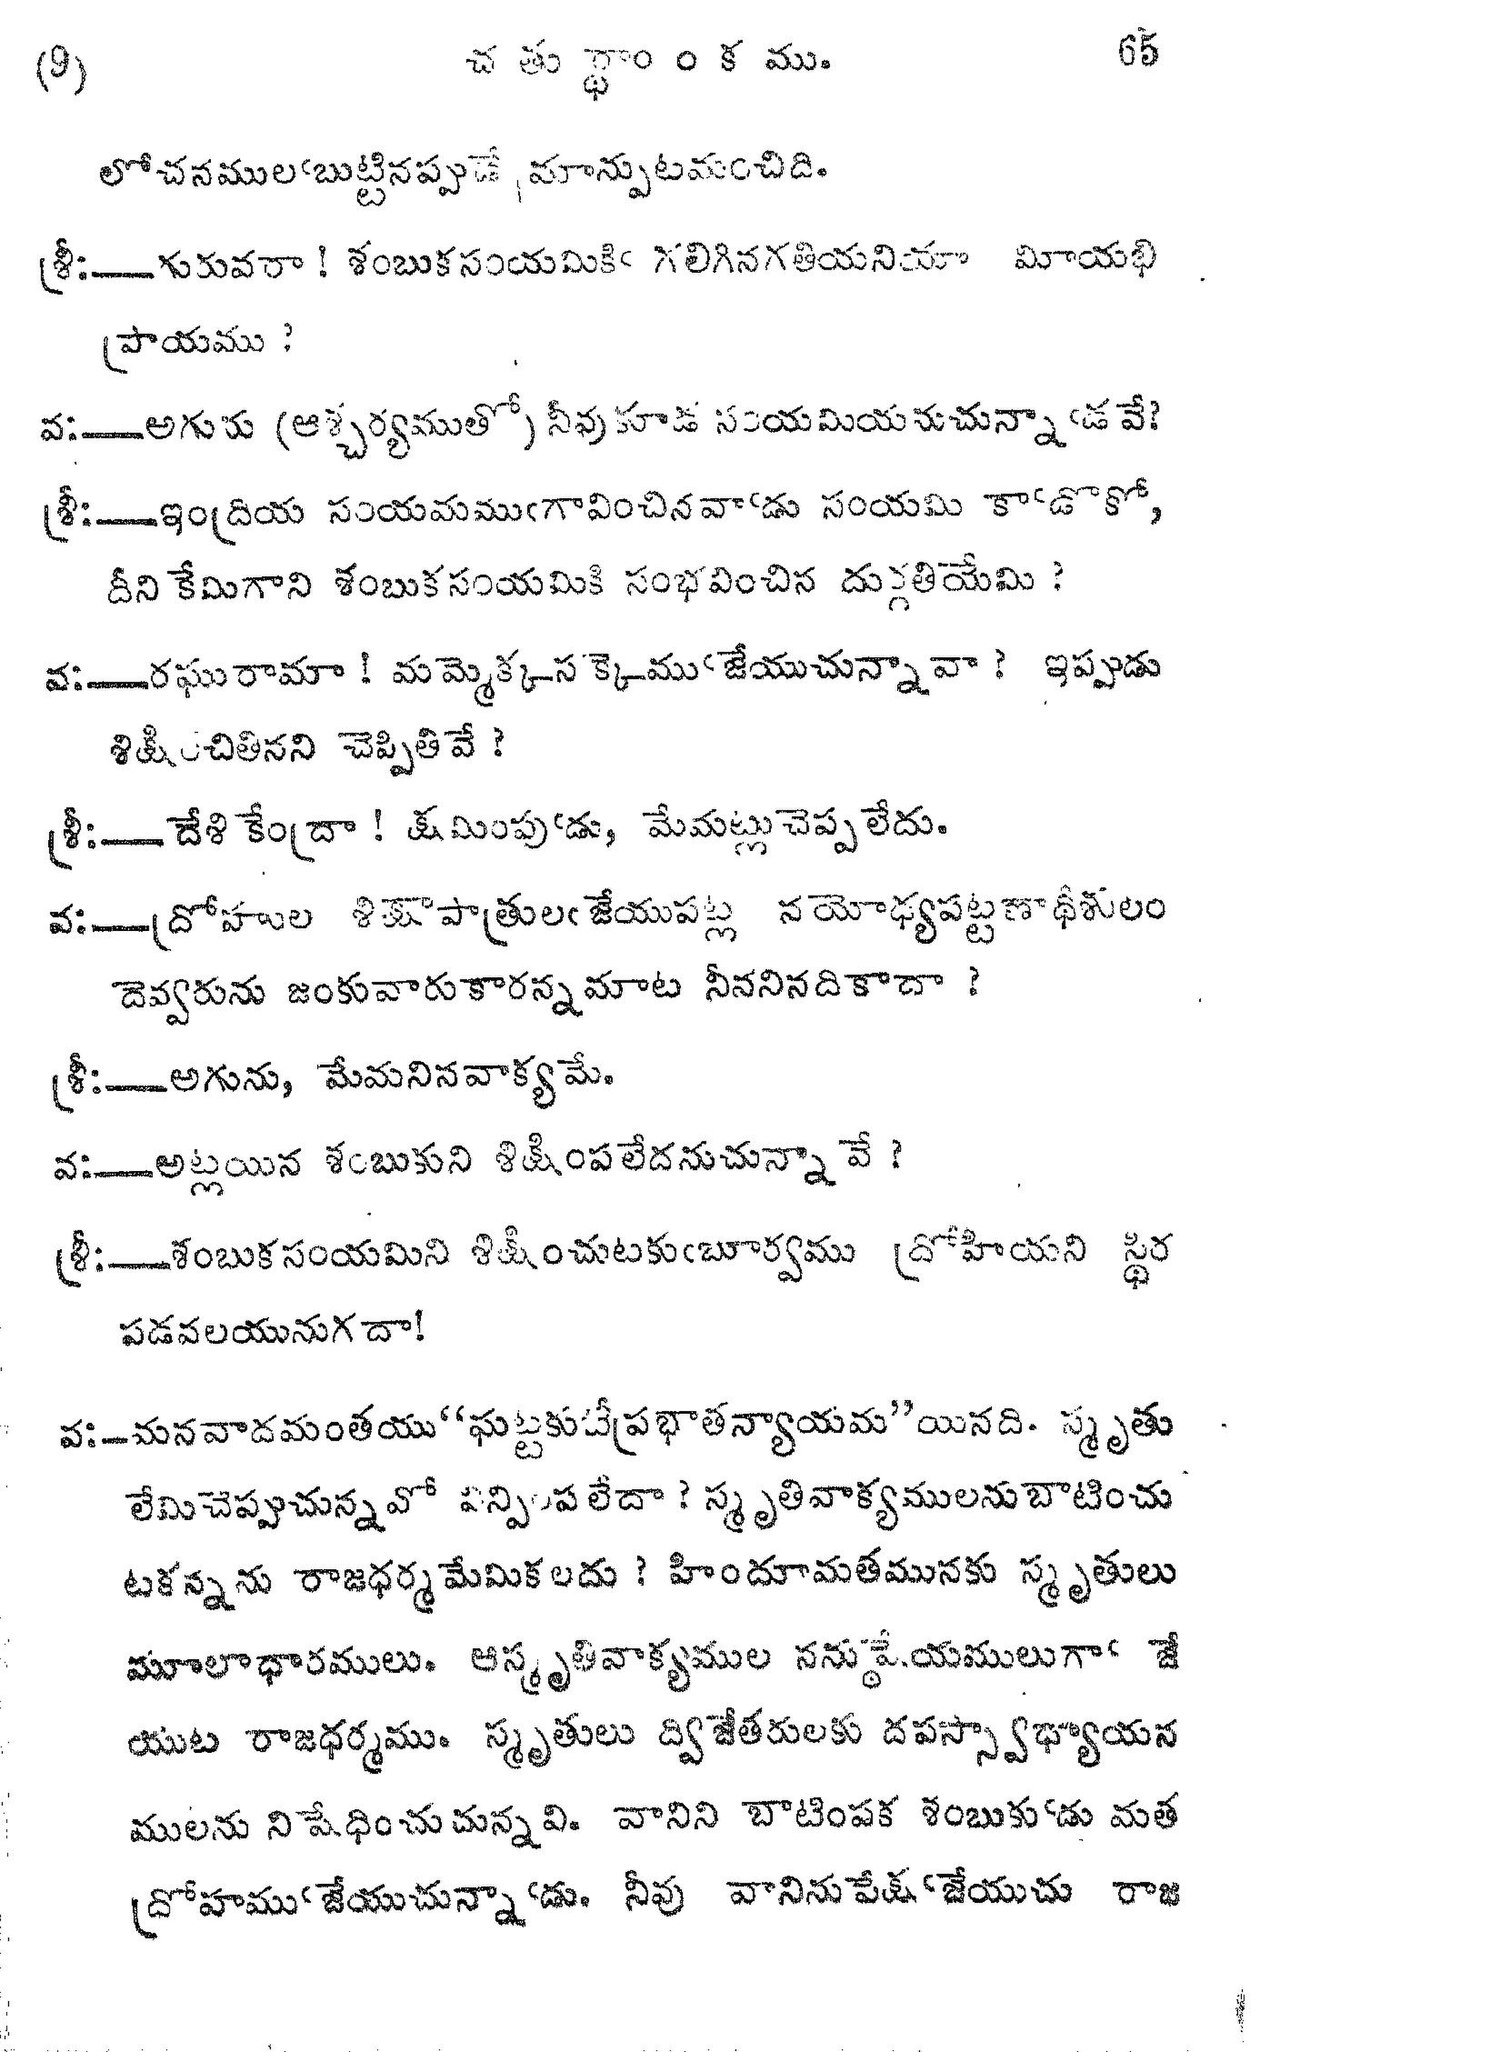లోచనముల బుట్టినప్పుడే మాన్పుటమంచిది.

శ్రీ:- గురువరా ! శంబుక సంయుమికిఁ గలిగినగతి యని యా మీయభి
 ప్రాయము :

వ: అగును (ఆశ్చర్యముతో) నీవు కూడ స్వయమియనుచున్నాఁడవే!

శ్రీ:- ఇంద్రియ సంయమము గావించిన వాడు సంయమి కాడొకో,
 దీని కేమిగాని శంబుక సంయమికి సంభవించిన దుర్గతియేమి ?

వ: రఘురామా ! మమ్మెక్క సక్కెముఁ జేయుచున్నావా? ఇప్పుడు
 శిక్షించితినని చెప్పితివే ?

శ్రీ:- దేశి కేంద్రా ! క్షమింవుడు, మేమట్లు చెప్ప లేదు.

వ:-- ద్రోహుల శిక్షపాత్రులఁ జేయుపట్ల నయోధ్యపట్టణ ధీశులం
 దెవ్వరును జంకువారు కారన్నమాట నీవనినది కాదా ?

శ్రీ: అగును, మేమనిన వాక్యమే.

వ: అట్లయిన శంబుకుని శిక్షింప లేదనుచున్నావే ?

శ్రీ:- శంబుక సంయమిని శిక్షించుటకుఁ బూర్వము ద్రోహియని స్థిర
 పడవలయును గదా!

వ: మన వాదమంతయు “ఘట్టకుటీప్రభాతన్యాయమ”యినది. స్మృతు
 లేమి చెప్పుచున్నవో వినిపింప లేదా ! స్మృతివాక్యములను బాటించు
 టకన్నను రాజధర్మ మేమికలదు ? హిందూ మతమునకు స్మృతులు
 మూలాధారములు. ఆస్మృతి వాక్యముల ననుష్టేయములుగా జే
 యుట 'రాజధర్మము. స్మృతులు ద్విజేతరులకు దపస్స్వాభ్యాయన
 ములను నిషేధించు చున్నవి. వానిని బాటింపక శంబుకుడు మత
 ద్రోహముఁ జేయుచున్నాడు. నీవు వాని నుపేక్ష జేయుచు రాజ 
-